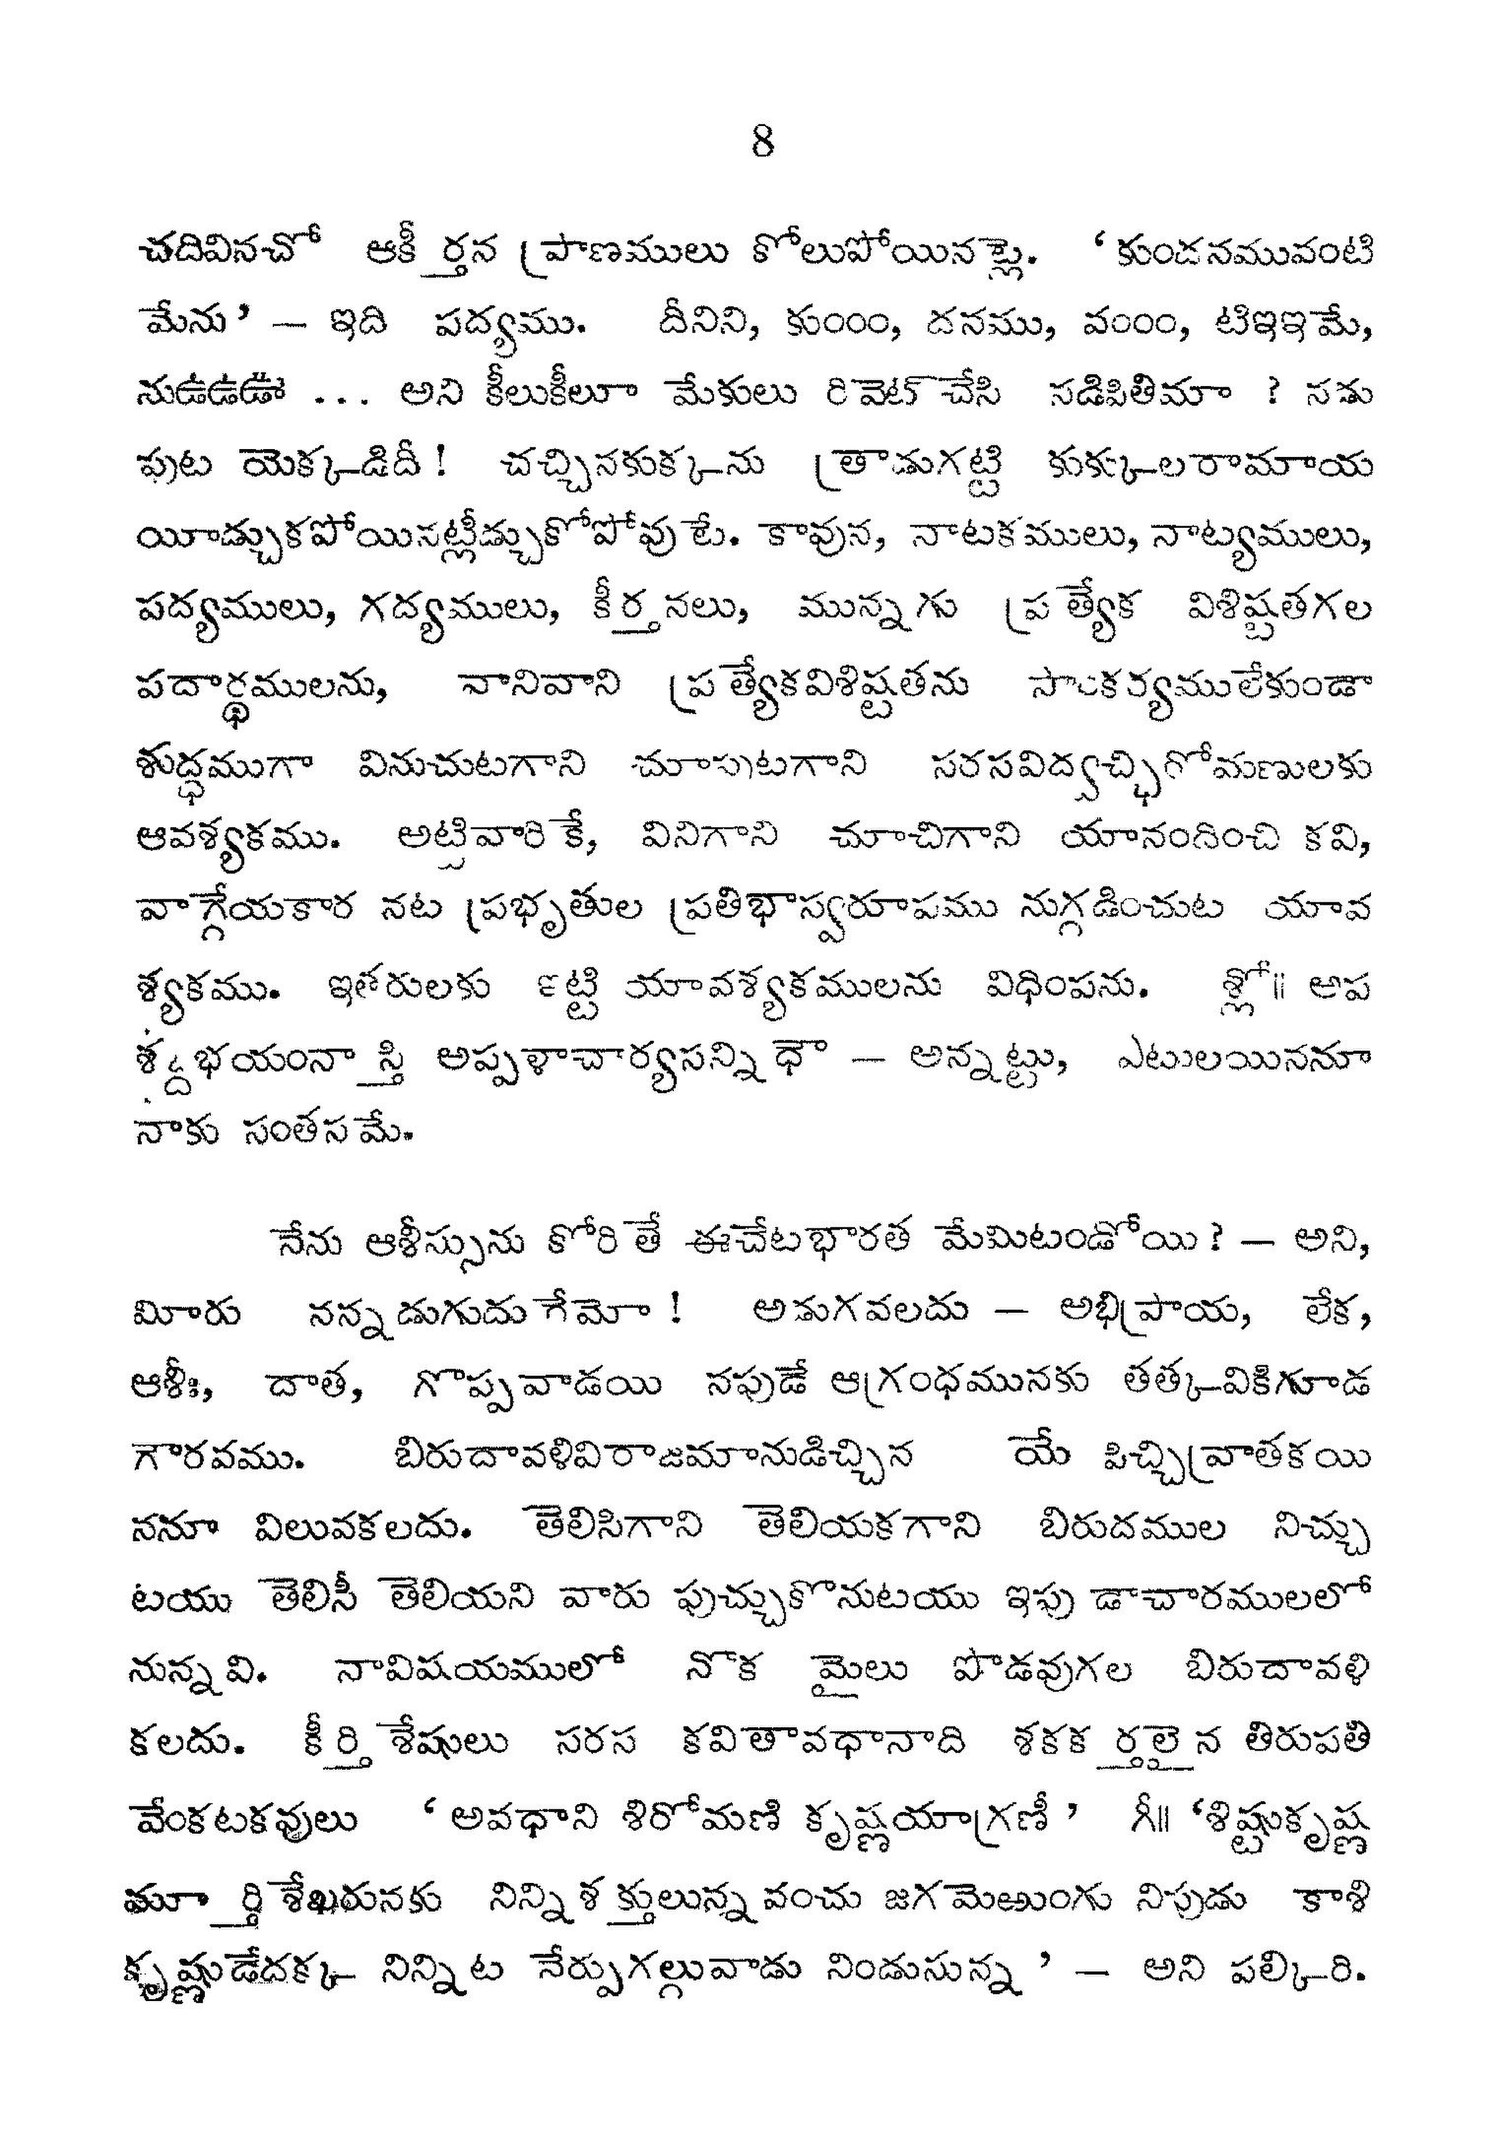చదివినచో ఆకీర్తన ప్రాణములు కోలుపోయినట్లె. 'కుందనమువంటి
మేను” ఇది పద్యము. దీనిని, కుంంం, ధనము, వంంం, టిఇఇమే,
నుఉఉఊ ... అని కీలుకీలూ మేకులు రివెట్‌చేసి సడిపితిమా ? నడు
పుట యెక్కడిదీ! చచ్చినకుక్కను త్రాడుగట్టి కుక్కలరామాయ
యీడ్చుకపోయినట్లీడ్చుకోపోవుటే. కావున, నాటకములు, నాట్యములు,
పద్యములు, గద్యములు, కీర్తనలు, మున్నగు ప్రత్యేక విశిష్టతగల
పదార్థములను, వానివాని ప్రత్యేకవిశిష్టతను సాంకర్యములేకుండా
శుద్ధముగా వినుచుటగాని చూపుటగాని సరసవిద్వచ్ఛిరోమణులకు
ఆవశ్యకము. అట్టివారికే, వినిగాని చూచిగాని యానందించి కవి,
వాగ్గేయకార నట ప్రభృతుల ప్రతిభాస్వరూపము నుగ్గడించుట యావ
శ్యకము. ఇతరులకు ఇట్టి యావశ్యకములను విధింపను. శ్లో॥ అప
శబ్దభయంనాస్తి అప్పళాచార్యసన్నిధౌ - అన్నట్టు, ఎటులయిననూ
నాకు సంతసమే.

నేను ఆశీస్సును కోరితే ఈచేటభారత మేమిటండోయి - అని,
మీరు నన్నడుగుదురేమో ! అడుగవలదు - అభిప్రాయ, లేక,-
ఆశీః, దాత, గొప్పవాడయి నపుడే ఆగ్రంధమునకు తత్కవికిగూడ
గౌరవము. బిరుదావళివిరాజమానుడిచ్చిన యే పిచ్చివ్రాతకయి
ననూ విలువకలదు. తెలిసిగాని తెలియకగాని బిరుదముల నిచ్చు
టయు తెలిసీ తెలియని వారు పుచ్చుకొనుటయు ఇపు డాచారములలో
నున్నవి. నావిషయములో నొక మైలు పొడవుగల బిరుదావళి
కలదు. కీర్తిశేషులు సరస కవితావధానాది శకకర్తలైన తిరుపతి
వేంకటకవులు 'అవధాని శిరోమణి కృష్ణయాగ్రణీ' గీ॥ 'శిష్టుకృష్ణ
మూర్తిశేఖరునకు నిన్నిశక్తులున్నవంచు జగ మెఱుంగు నిపుడు కాశి
కృష్ణుడేదక్క నిన్నిట నేర్పుగల్గువాడు నిండుసున్న' - అని పల్కిరి.